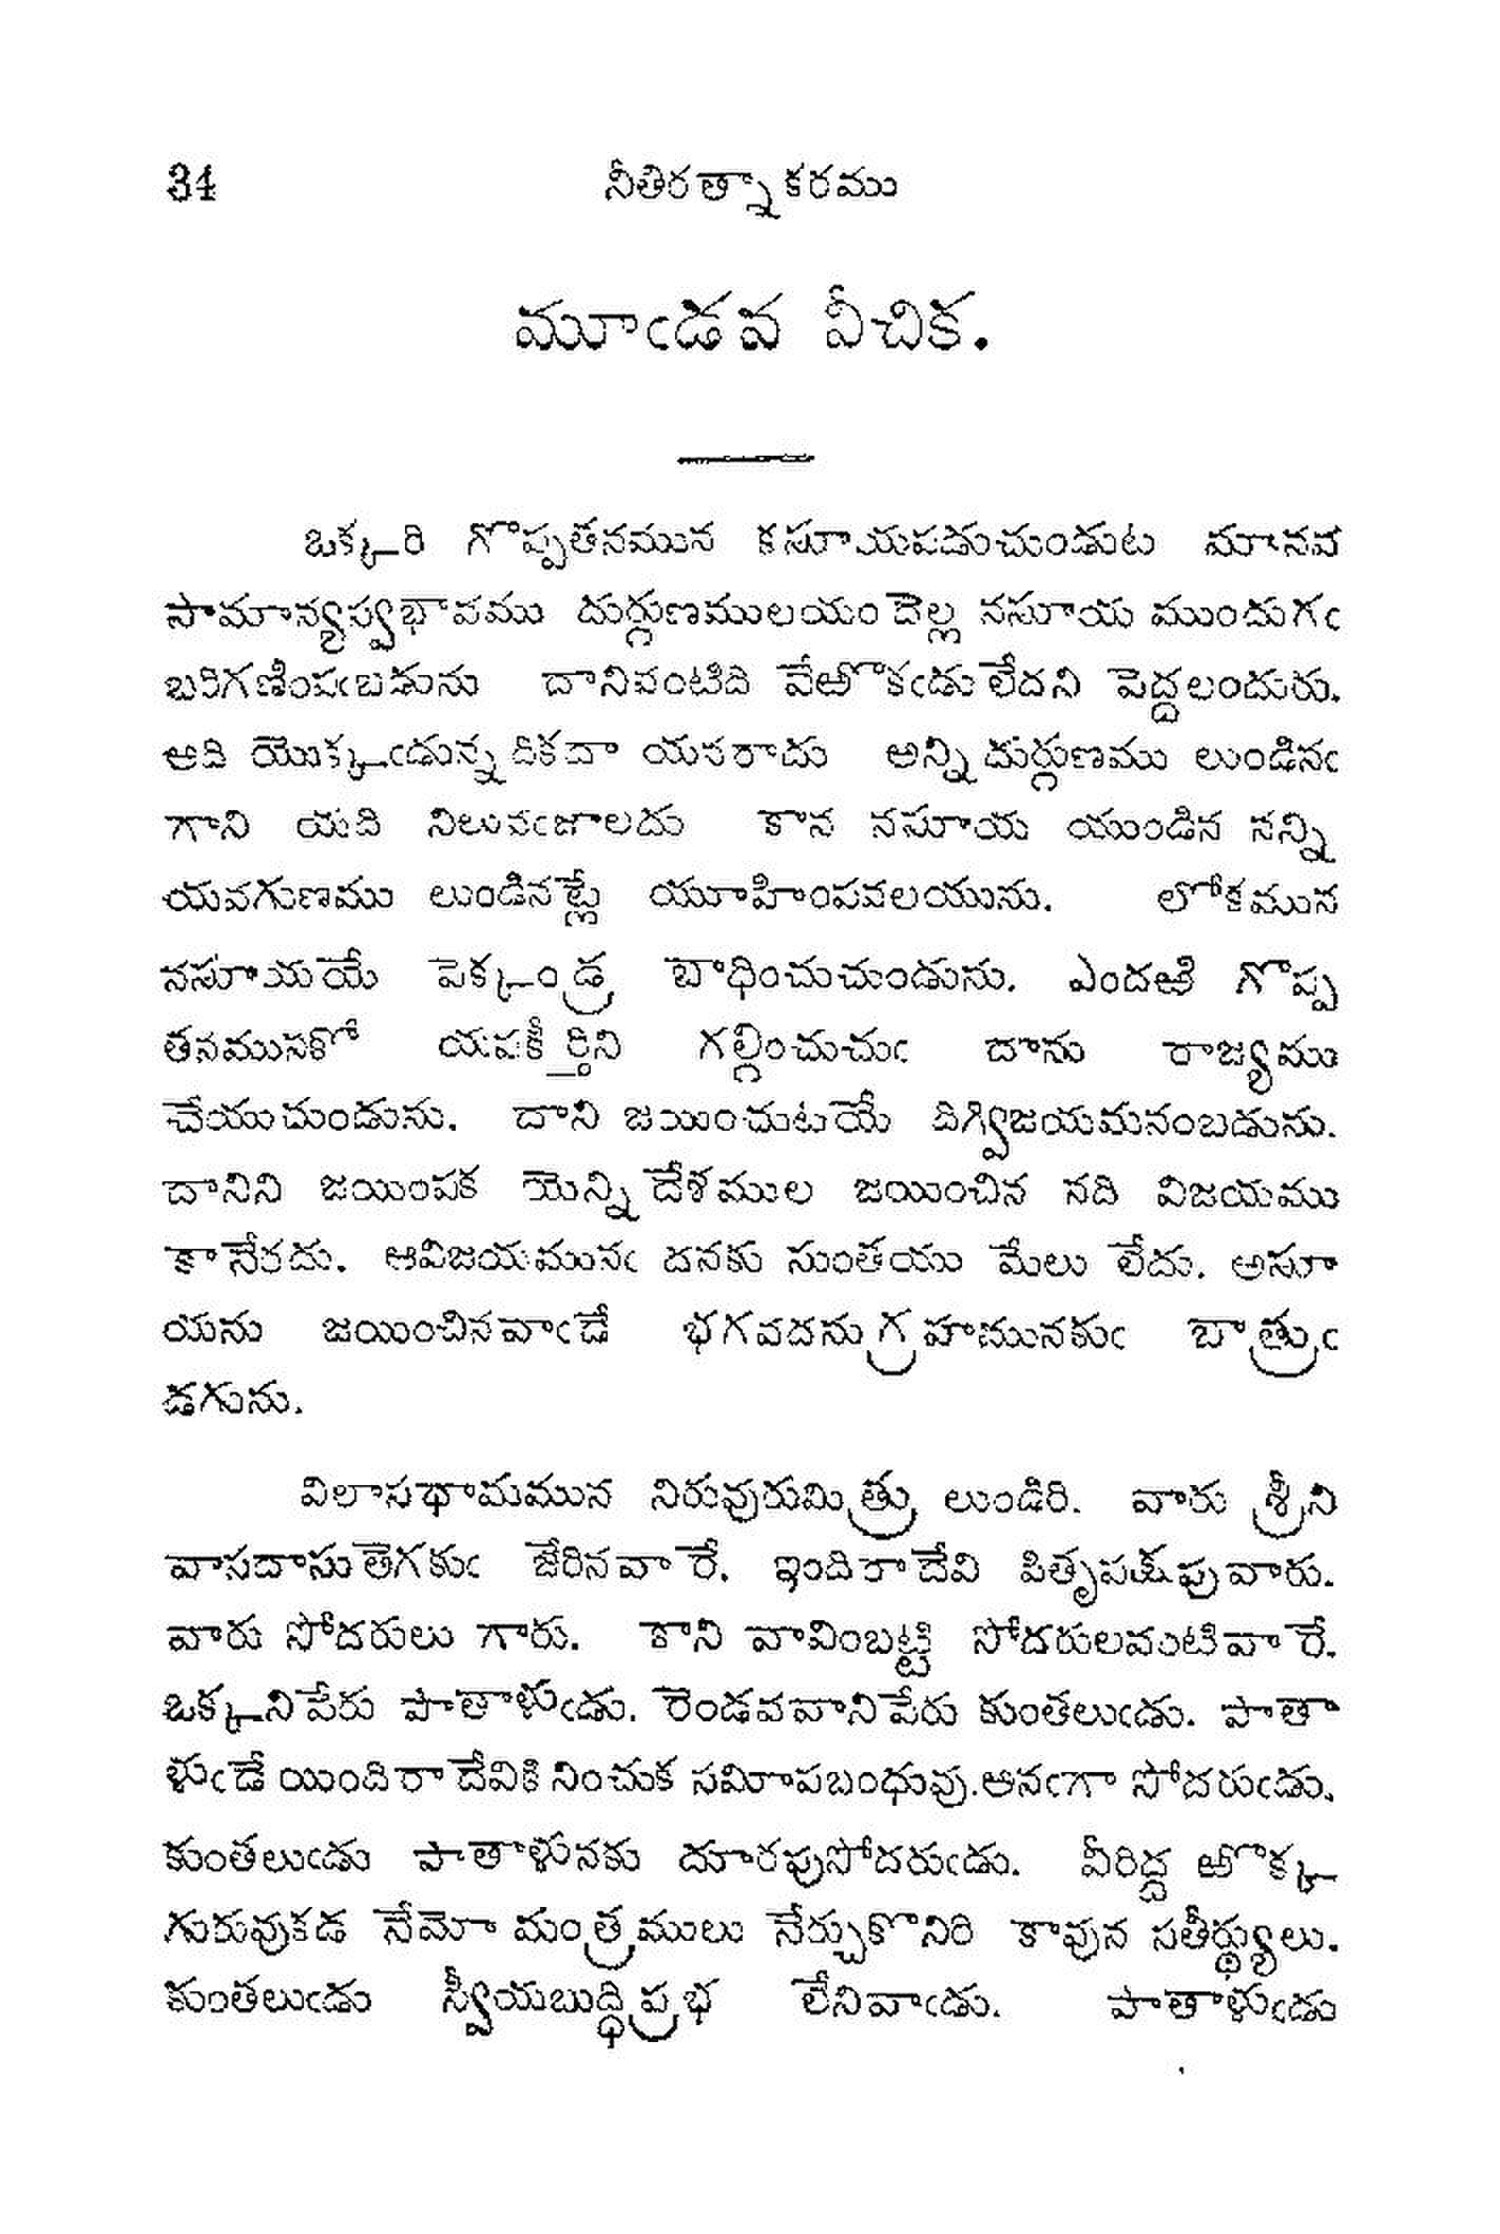ఒక్కరి గొప్పతనమున కసూయపడుచుండుట మానవ సామాన్య స్వభావము దుర్గుణములయందెల్ల నసూయ ముందుగఁ బరిగణింపఁబడును. దానివంటిది వేఱోకఁడు లేదని పెద్దలందురు. అది యొక్కఁడున్నదికదా యనరాదు. అన్ని దుర్గుణము లుండిన గాని యది నిలువఁజాలదు కాన నసూయ యుండిన నన్ని యవగుణము లుండినట్లే యూహింపవలయును. లోకమున నసూయయే పెక్కండ్ర, బాధించుచుండును. ఎందఱి గొప్ప తనమునకో యపకీర్తిని గల్గించుచుఁ దాను రాజ్యము చేయుచుండును. దాని జయించుటయే దిగ్విజయమనంబడును. దానిని జయింపక యెన్ని దేశముల జయించిన నది విజయము కానేకదు. ఆవిజయమునఁ దనకు సుంతయు మేలు లేదు. అసూయను జయించినవాఁడే భగవదను గ్రహమునకుఁ బాత్రుం డగును.

విలాస ధామమున నిరువురుమిత్రు లుండిరి. వారు శ్రీనివాసదాసు తెగకుఁ జేరినవారే. ఇందిరా దేవి పితృపక్షపువారు. వారు సోదరులు గారు. కాని వావింబట్టి సోదరులవంటివారే. ఒక్కని పేరు పాతాళుడు. రెండవవాని పేరు కుంతలుఁడు. పాతాళుఁడే యిందిరాదేవికి నించుక సమీపబంధువు. అనఁగా సోదరుఁడు, కుంతలుఁడు పాతాళునకు దూరపుసోదరుఁడు. వీరిద్ద ఱోక్కగురువుకడ నేమో మంత్రములు నేర్చుకొనిరి కావున సతీర్థ్యులు. కుంతలుఁడు స్వీయబుద్ధి ప్రభ లేనివాఁడు. పాతాళుఁడు